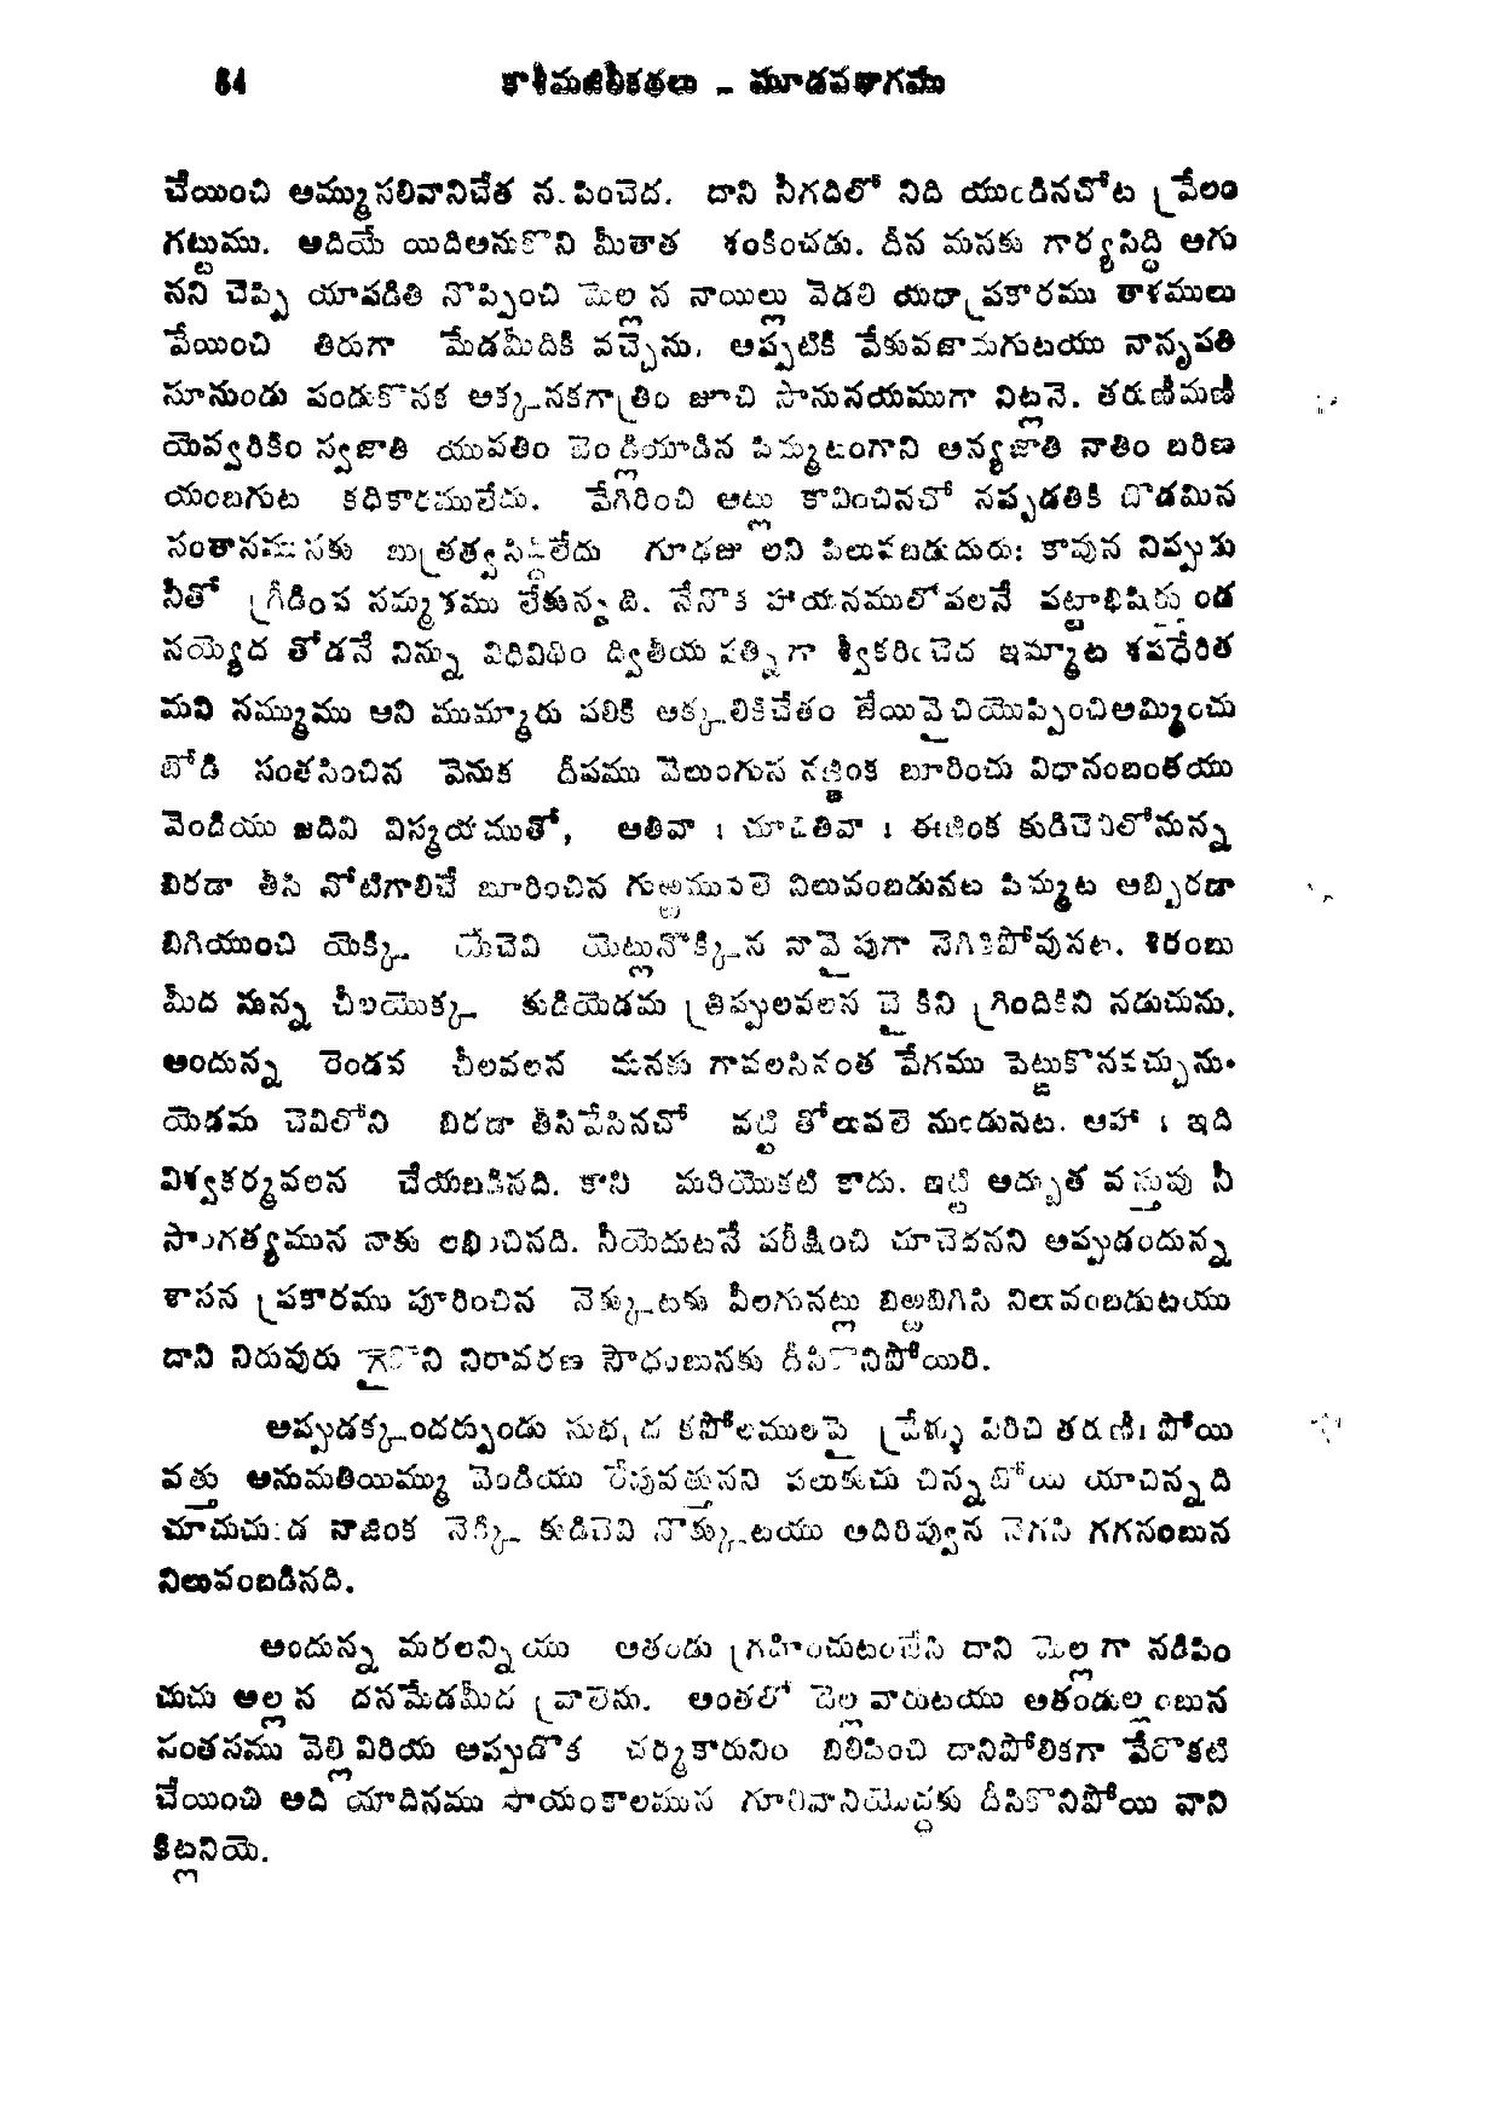చేయించి అమ్ముసలివానిచేత నంపించెద. దాని నీగదిలో నిది యుండినచోట వ్రేలం గట్టుము. అదియే యిది అనుకొని మీతాత శంకించడు. దీన మనకు గార్యసిద్ధి అగునని చెప్పి యాపడితి నొప్పించి మెల్లన నాయిల్లు వెడలి యధాప్రకారము తాళములు వేయించి తిరుగా మేడమీదికి వచ్చెను. అప్పటికి వేకువజామగుటయు నానృపతిసూనుండు పండుకొనక అక్కనకగాత్రిం జూచి సానునయముగా నిట్లనె. తరుణీమణి యెవ్వరికిం స్వజాతియువతిం బెండ్లియాడిన పిమ్మటంగాని అన్యజాతి నాతిం బరిణయంబగుట కధికారములేదు. వేగిరించి అట్లు కావించినచో నప్పడతికి బొడమిన సంతానమునకు బుత్రత్వసిద్ధి లేదు. గూఢజు లని పిలువబడుదురు. కావున నిప్పుడు నీతో గ్రీడింప సమ్మతము లేకున్నది. నేనొక హాయనములోపలనే పట్టాభిషిక్తుండ నయ్యెద తోడనే నిన్ను విధివిధిం ద్వితీయపత్నిగా శ్వీకరించెద ఇమ్మాట శపథేరితమని నమ్ముము అని ముమ్మారు పలికి అక్క.లికిచేతం జేయివైచి యొప్పించి అమ్మించుబోడి సంతసించిన వెనుక దీపము వెలుంగున నజ్జింక బూరించు విధానంబంతయు వెండియు జదివి విస్మయముతో, అతివా! చూచితివా! ఈజింక కుడిచెవిలోనున్న బిరడా తీసి నోటిగాలిచే బూరించిన గుఱ్ఱమువలె నిలువంబడునట పిమ్మట అబ్బిరడా బిగియుంచి యెక్కి, యేచెవి యెట్లునొక్కిన నావైపుగా నెగిరిపోవునట. శిరంబు మీద నున్న చీలయొక్క కుడియెడమ త్రిప్పులవలన బైకిని గ్రిందికిని నడుచును. అందున్న రెండవ చీలవలన మనకు గావలసినంత వేగము పెట్టుకొనవచ్చును. యెడమచెవిలోని బిరడా తీసివేసినచో వట్టితోలువలె నుండునట. ఆహా! ఇది
విశ్వకర్మవలన చేయబడినది. కాని మరియొకటి కాదు. ఇట్టి అద్భుతవస్తువు నీ సాంగత్యమున నాకు లభించినది. నీయెదుటనే పరీక్షించి చూచెదనని అప్పుడందున్న శాసనప్రకారము పూరించిన నెక్కుటకు వీలగునట్లు బిఱ్ఱబిగిసి నిలువంబడుటయు దాని నిరువురు గైకొని నిరావరణసౌధంబునకు దీసికొనిపోయిరి.

అప్పు డక్కందర్పుండు సుభద్ర కపోలములపై వ్రేళ్ళు విరిచి తరుణి! పోయివత్తు అనుమతి యిమ్ము వెండియు రేపు వత్తునని పలుకుచు చిన్నబోయి యాచిన్నది చూచుచుండ నాజింక నెక్కి కుడిచెవి నొక్కుటయు అది రివ్వున నెగసి గగనంబున నిలువంబడినది.

అందున్న మరలన్ని యు ఆతండు గ్రహించుటంజేసి దాని మెల్లగా నడిపించుచు అల్లన దనమేడమీద వ్రాలెను. అంతలో దెల్లవారుటయు ఆతం డుల్లంబున సంతసము వెల్లి విరియ అప్పుడొక చర్మకారునిం బిలిపించి దానిపోలికగా వేరొకటి చేయించి అది యాదినము సాయంకాలమున గూలివానియొద్దకు దీసికొనిపోయి వాని కిట్లనియె.